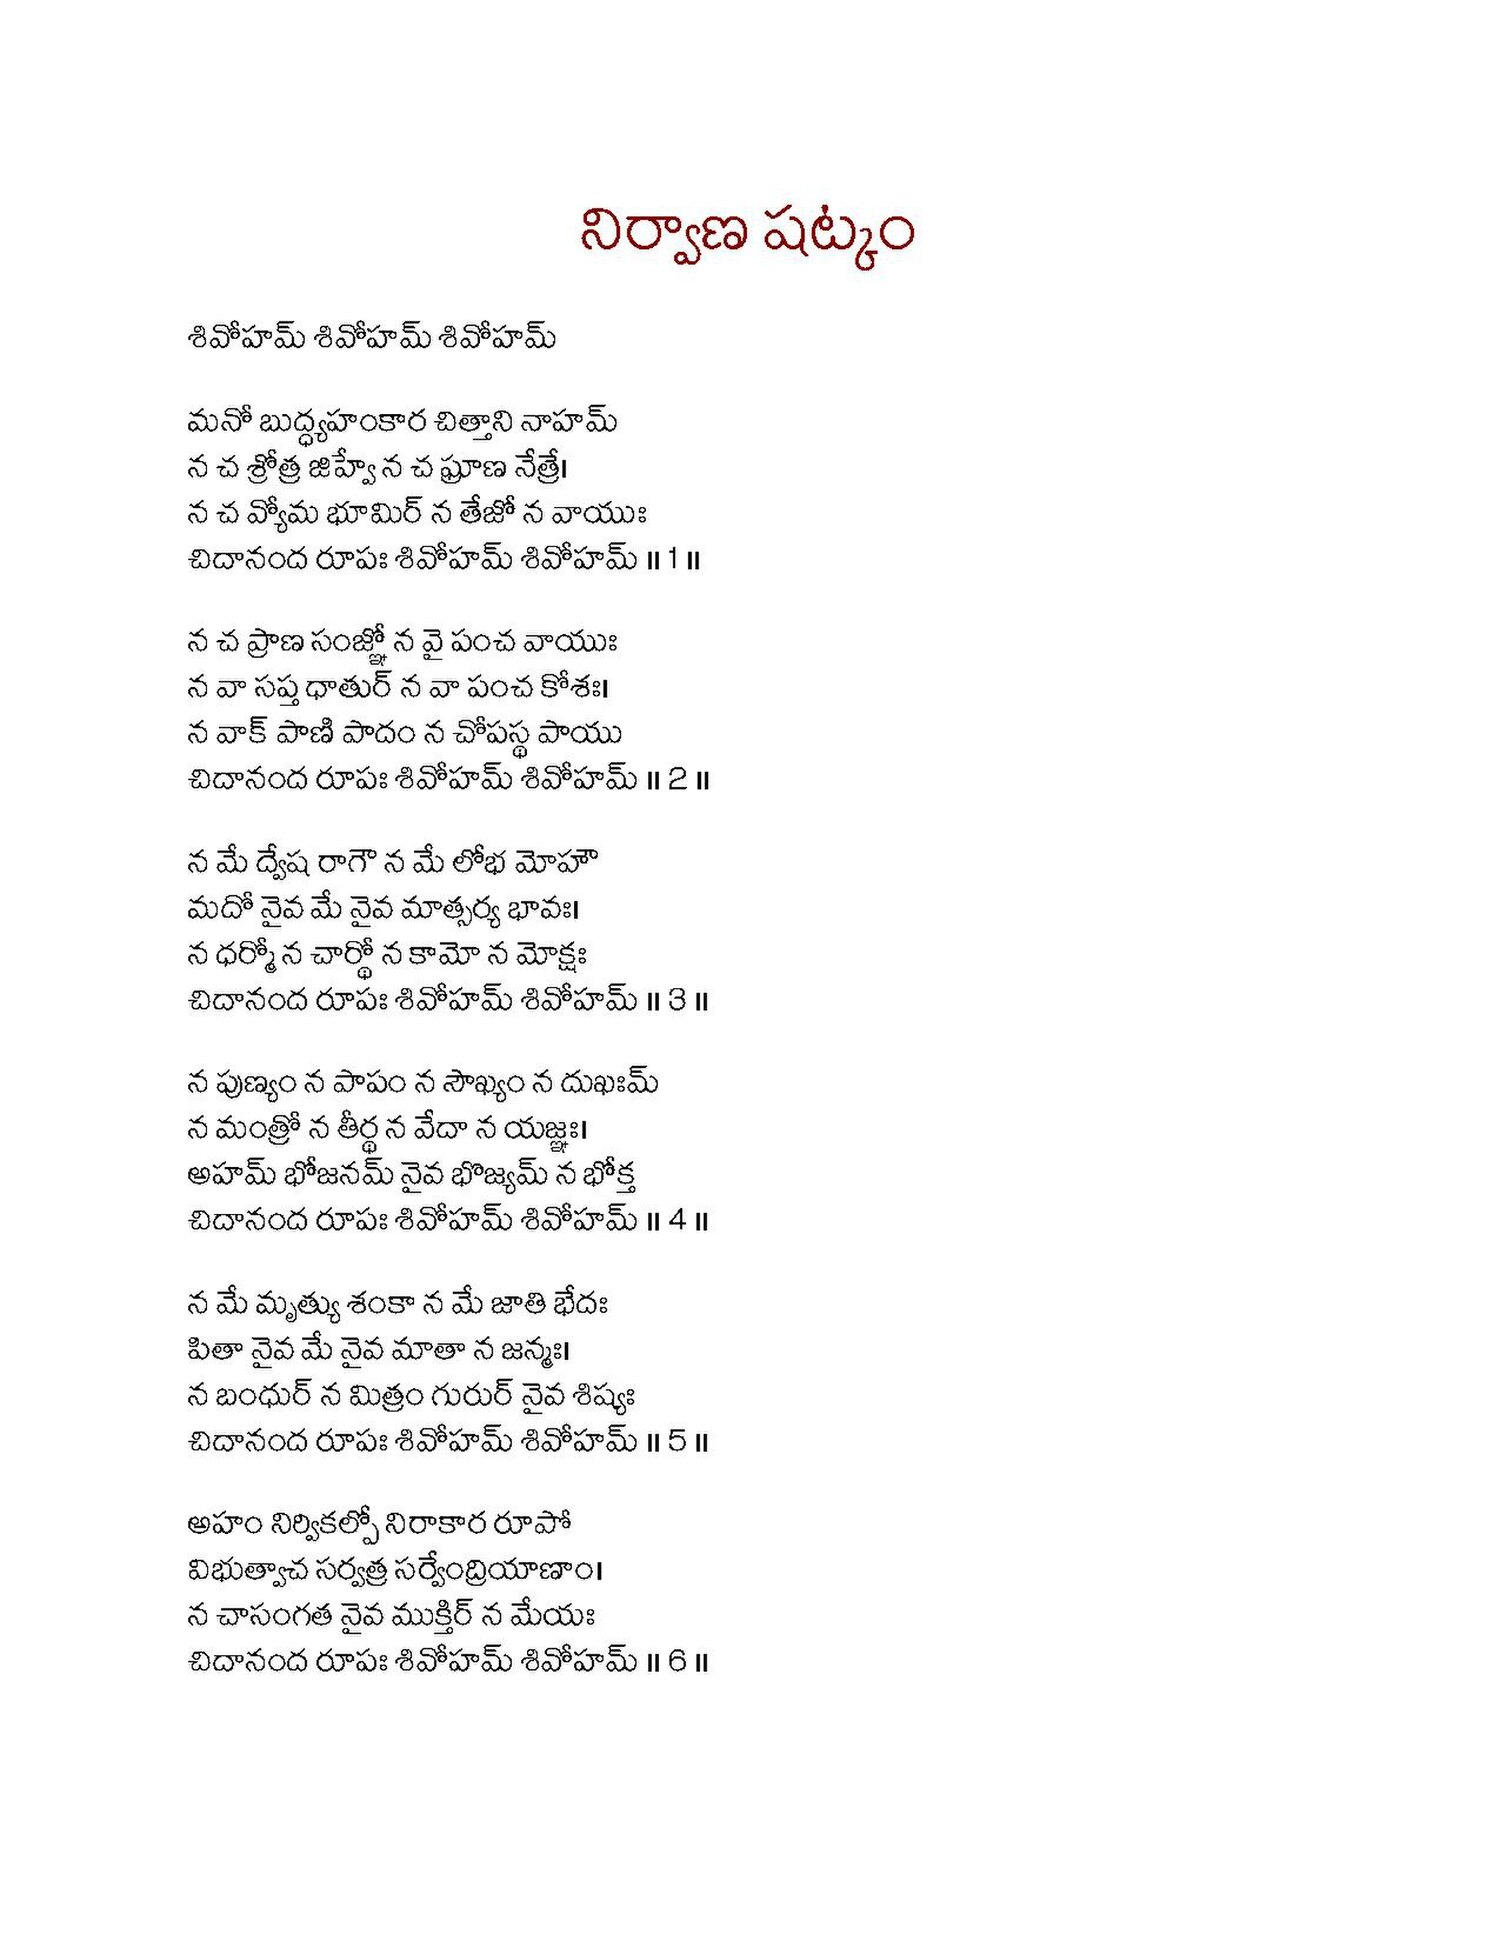శివోహమ్ శివోహమ్ శివోహమ్

మనో బుద్ధ్యహంకార చిత్తాని నాహమ్
న చ శ్రోత్ర జిహ్వేన చ ఘ్రాణ నేత్రే|
న చ వ్యోమ భూమిర్ న తేజో న వాయుః
చిదానంద రూపః శివోహమ్ శివోహమ్ || 1 ||

న చ ప్రాణ సంజ్ఞో న వై పంచ వాయుః
నవా సప్త ధాతుర్ న వా పంచ కోశః|
న వాక్ పాణి పాదం న చోపస్థ పాయు
చిదానంద రూపః శివోహమ్ శివోహమ్ || 2 ||

న మే ద్వేష రాగౌ న మే లోభ మోహౌ
మదో నైవ మే నైవ మాత్సర్య భావః|
న ధర్మోన చార్థో న కామో న మోక్షః
చిదానంద రూపః శివోహమ్ శివోహమ్ || 3 ||

నపుణ్యం న పాపం న సౌఖ్యం న దుఖఃమ్
న మంత్రో న తీర్థ న వేదా న యజ్ఞః|
అహమ్ భోజనమ్ నైవ భోజ్యమ్ న భోక్త
చిదానంద రూపః శివోహమ్ శివోహమ్ || 4 ||

నమే మృత్యు శంకా న మే జాతి భేదః
పితా నైవ మే నైవ మాతా న జన్మః|
న బంధుర్ న మిత్రం గురుర్ నైవ శిష్యః
చిదానంద రూపః శివోహమ్ శివోహమ్ || 5 ||

అహం నిర్వికల్పో నిరాకార రూపో
విభుత్వాచ సర్వత్ర సర్వేంద్రియాణాం|
న చాసంగత నైవ ముక్తిర్ న మేయః
చిదానంద రూపః శివోహమ్ శివోహమ్ || 6 ||